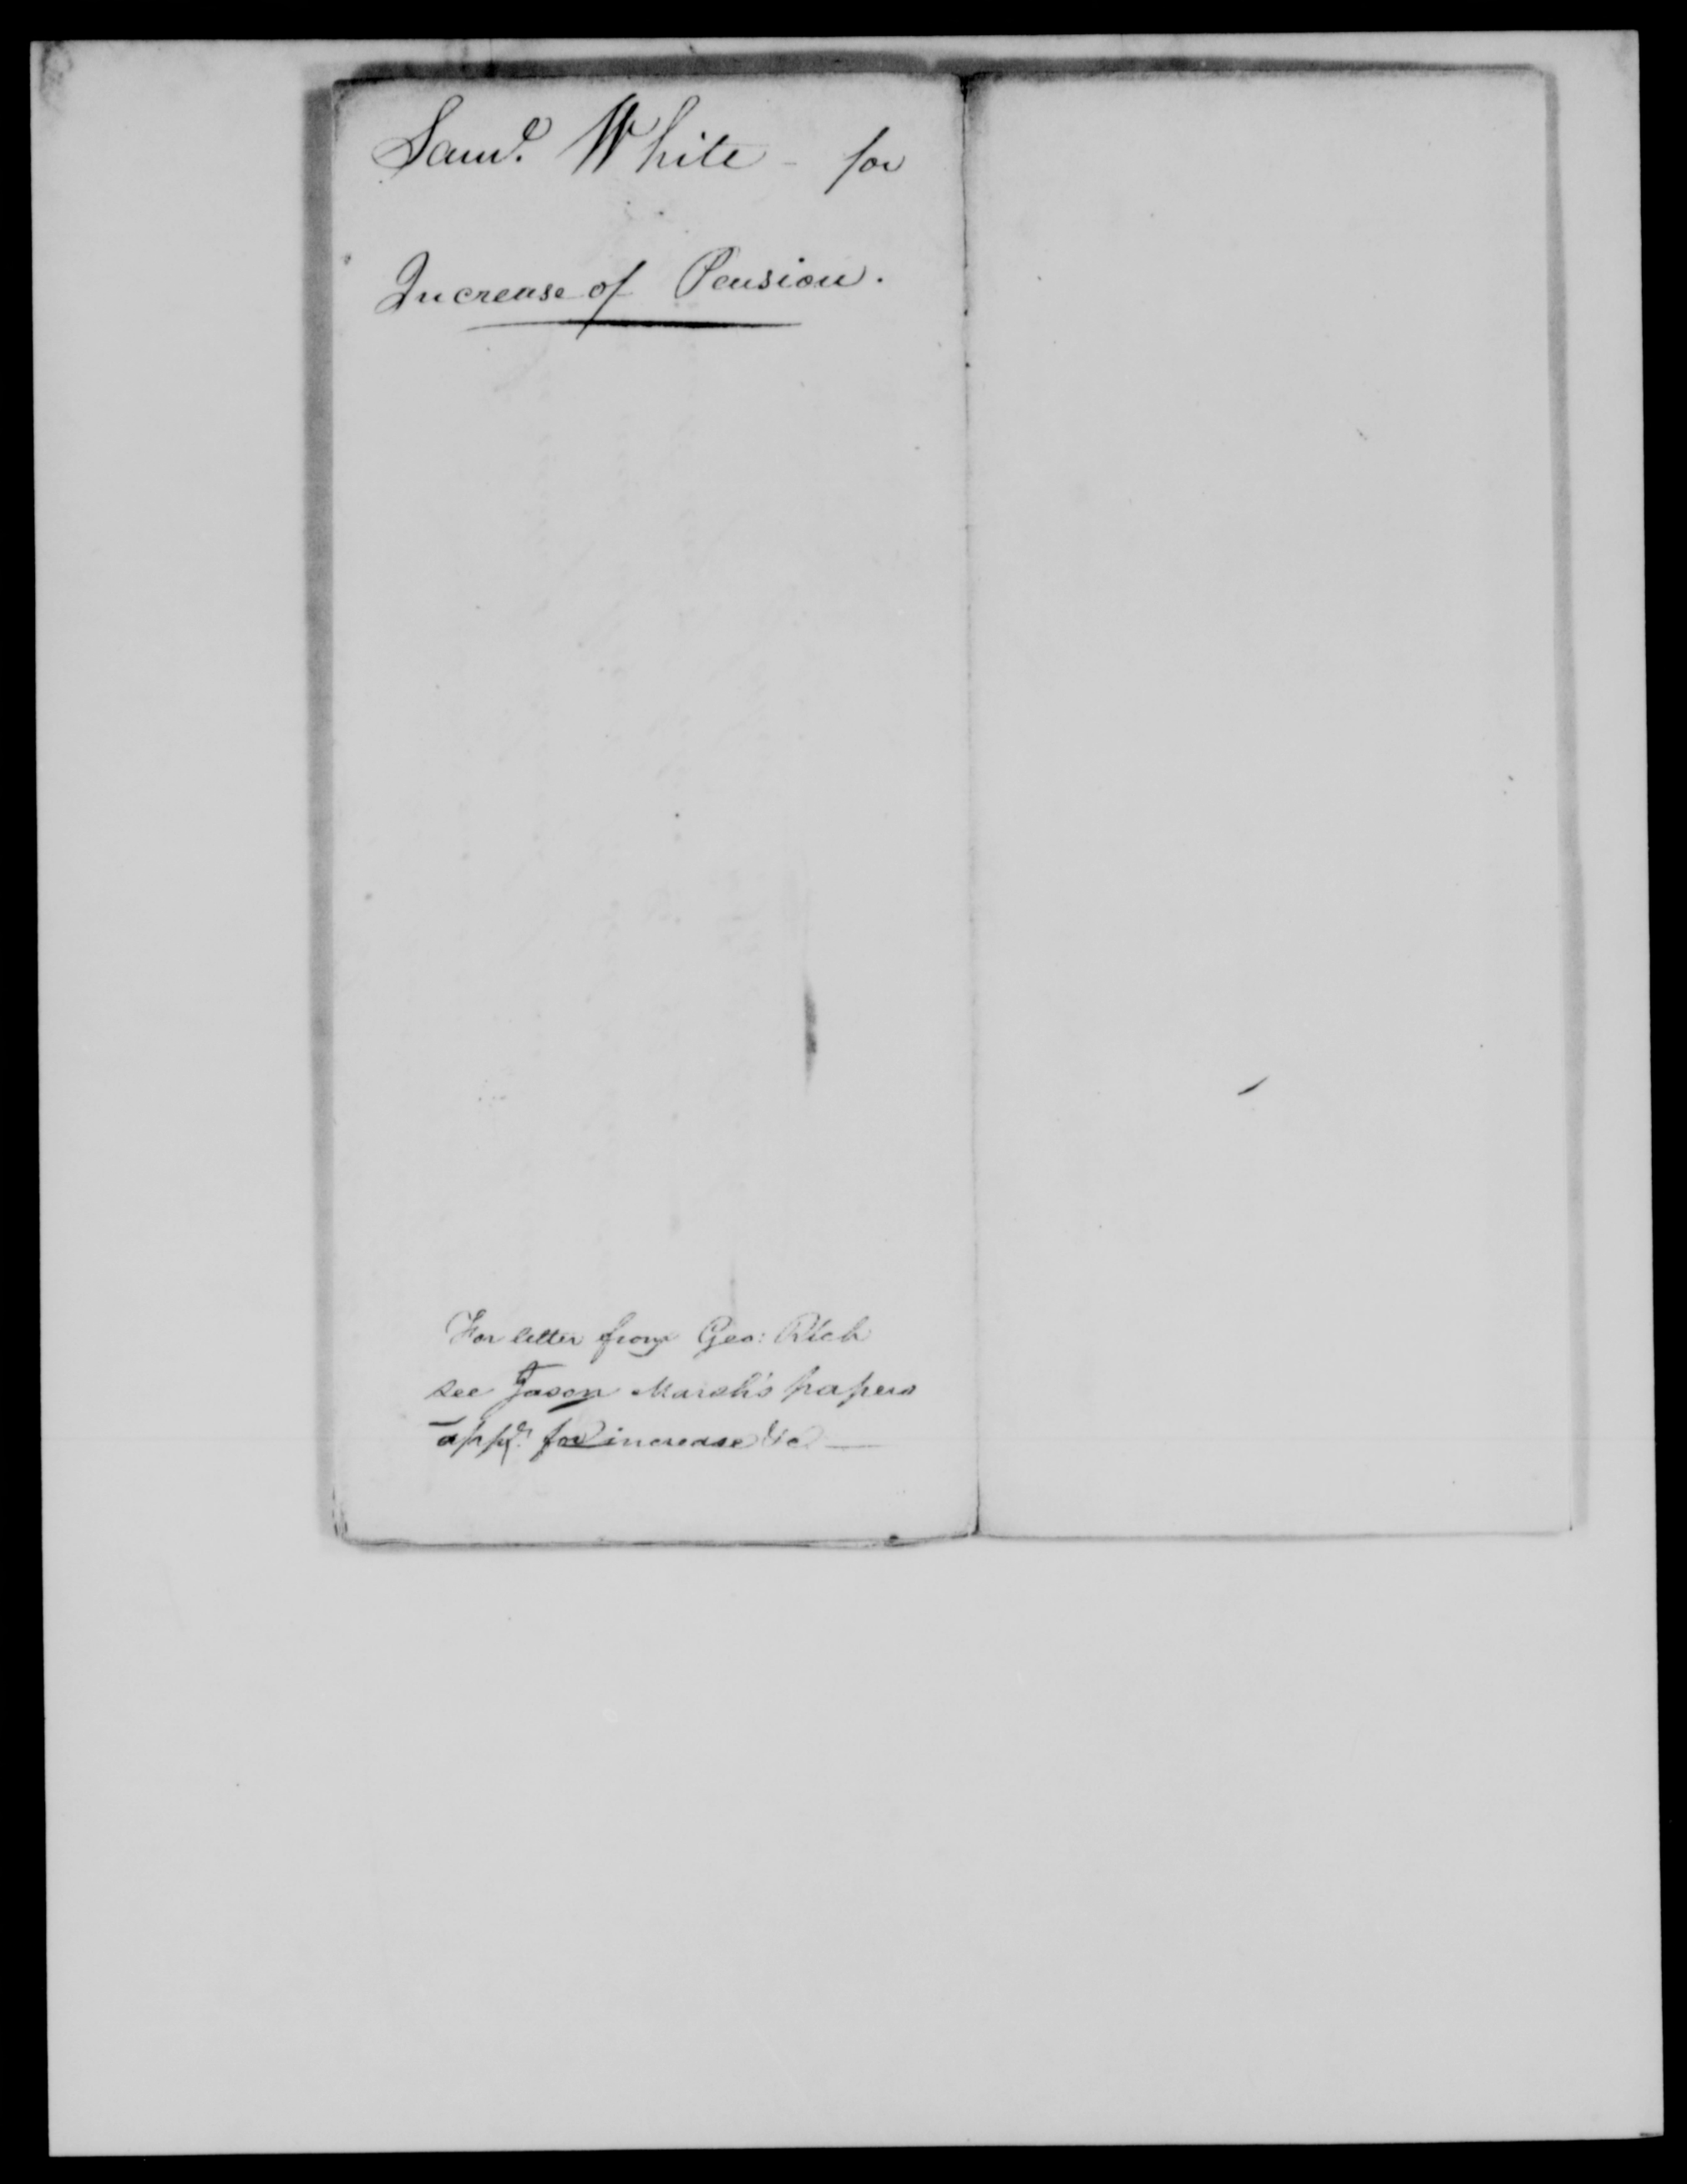Samuel White for
Increase of Pension

For letter from Geo. Rich see Jason Marsh's papers appl. for increase &c.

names: Jason Marsh, Saml White, Geo Rich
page: 37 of 79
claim: survivor's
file: S. 11759, Samuel White, Mass.